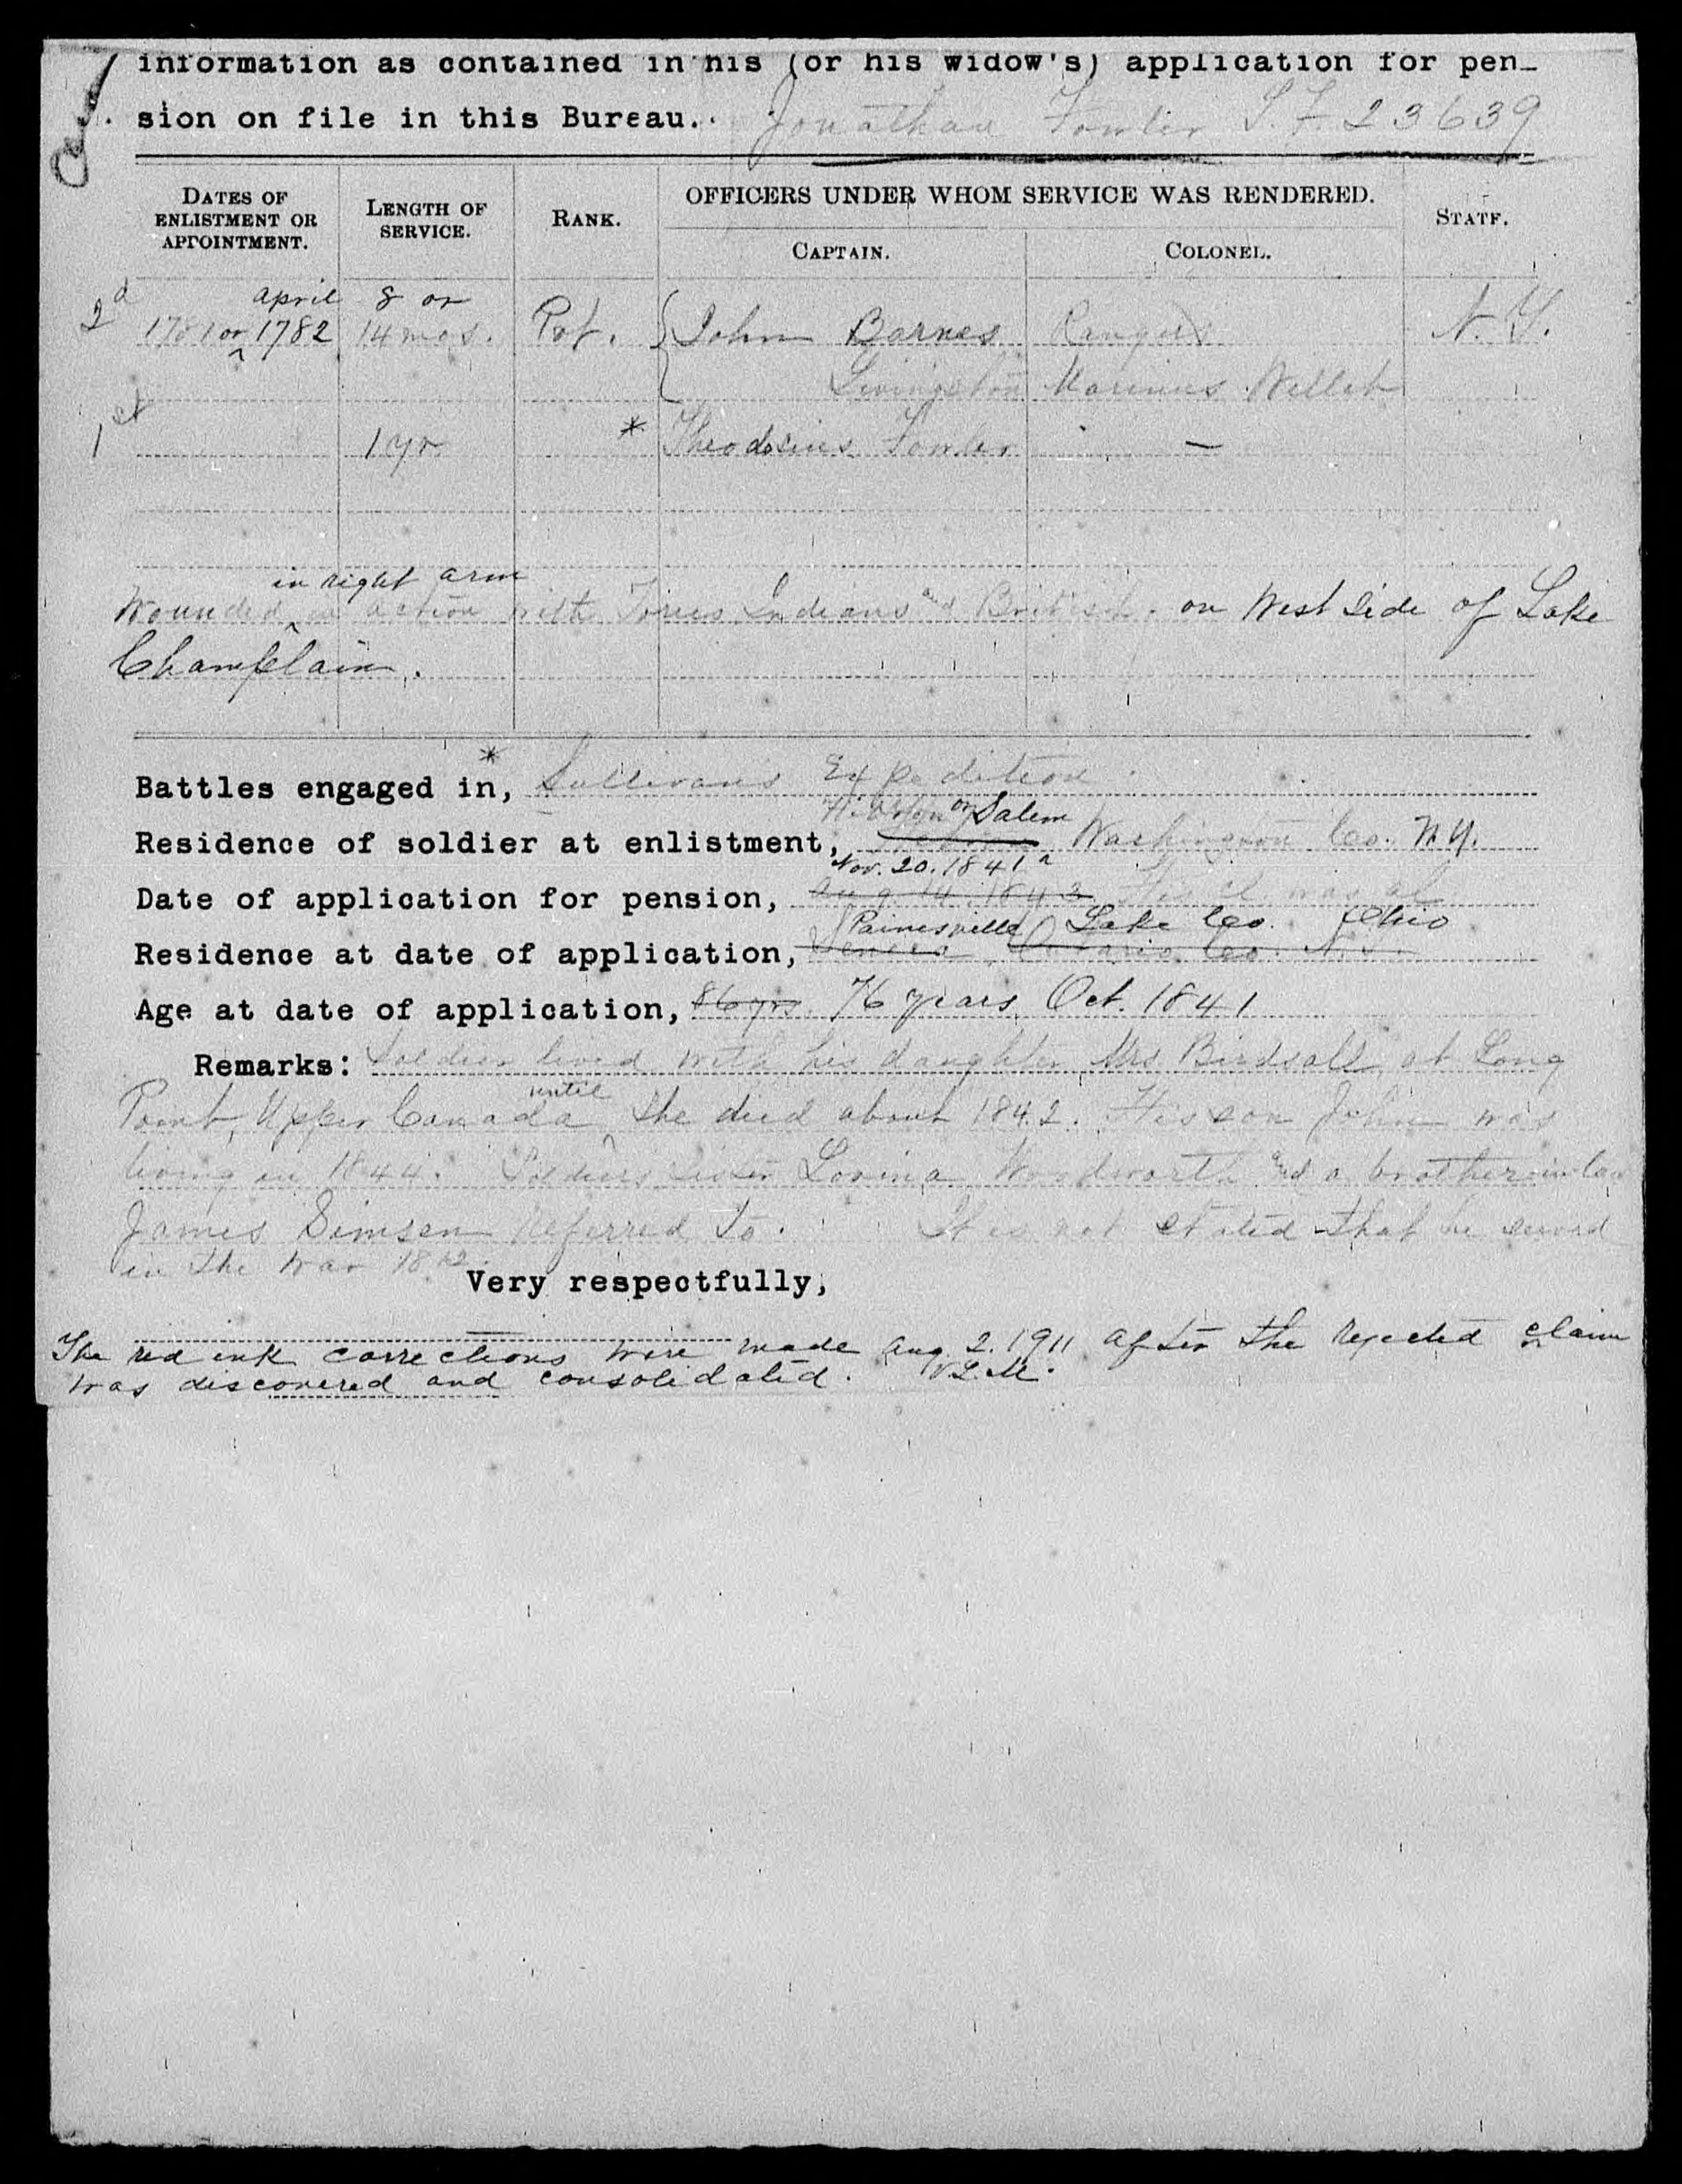information as contained in his (or his widow's) application for pension on file in this Bureau. Jonathan Fowler S.F. 23639

Dates of Enlistment or appointment.
Length of Service. 1 yr.
Rank.
Officers under whom service was rendered. 
* Theodosius Fowler
State.

Dates of Enlistment or appointment. 1781 or April 1782
Length of Service. 8 or 14 Mos.
Rank. Pvt.
Officers under whom service was rendered. Captain John Barnes and Livingston. Colonels Rangers and Marinus Willet
State. N.Y.

Wounded in right arm in action with Tories, Indians and British on West side of Lake Champlain.

Battles engaged in, * Sullivans Expedition
Residence of soldier at enlistment, [illegible] or Salem Washington Co., N.Y.
Date of application for pension, Nov. 20, 1841. His cl. was al
Residence at date of application, Painsville Lake Co. Ohio
Age at date of application, 76 years Oct. 1841
Remarks: Soldier lived with his daughter Mrs. Birdsall at Long Point, Upper Canada until she died about 1842. His son John was living in 1844. Soldiers sister Lorina Woodworth and a brother-in-law James Simsen referred to.  It is not stated that he served in the war 1842.
Very respectfully,

The red ink corrections were made Aug. 2. 1911 after the rejected claim was discovered and consolidated. V.L.M.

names: John, Marinus Willet, Theodosius Fowler, Lovina Woodworth, Jonathan Fowler, James Simson, Ranger, John Barnes, Livingston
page: 9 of 44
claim: survivor's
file: S. 23639, Jonathan Fowler, New York